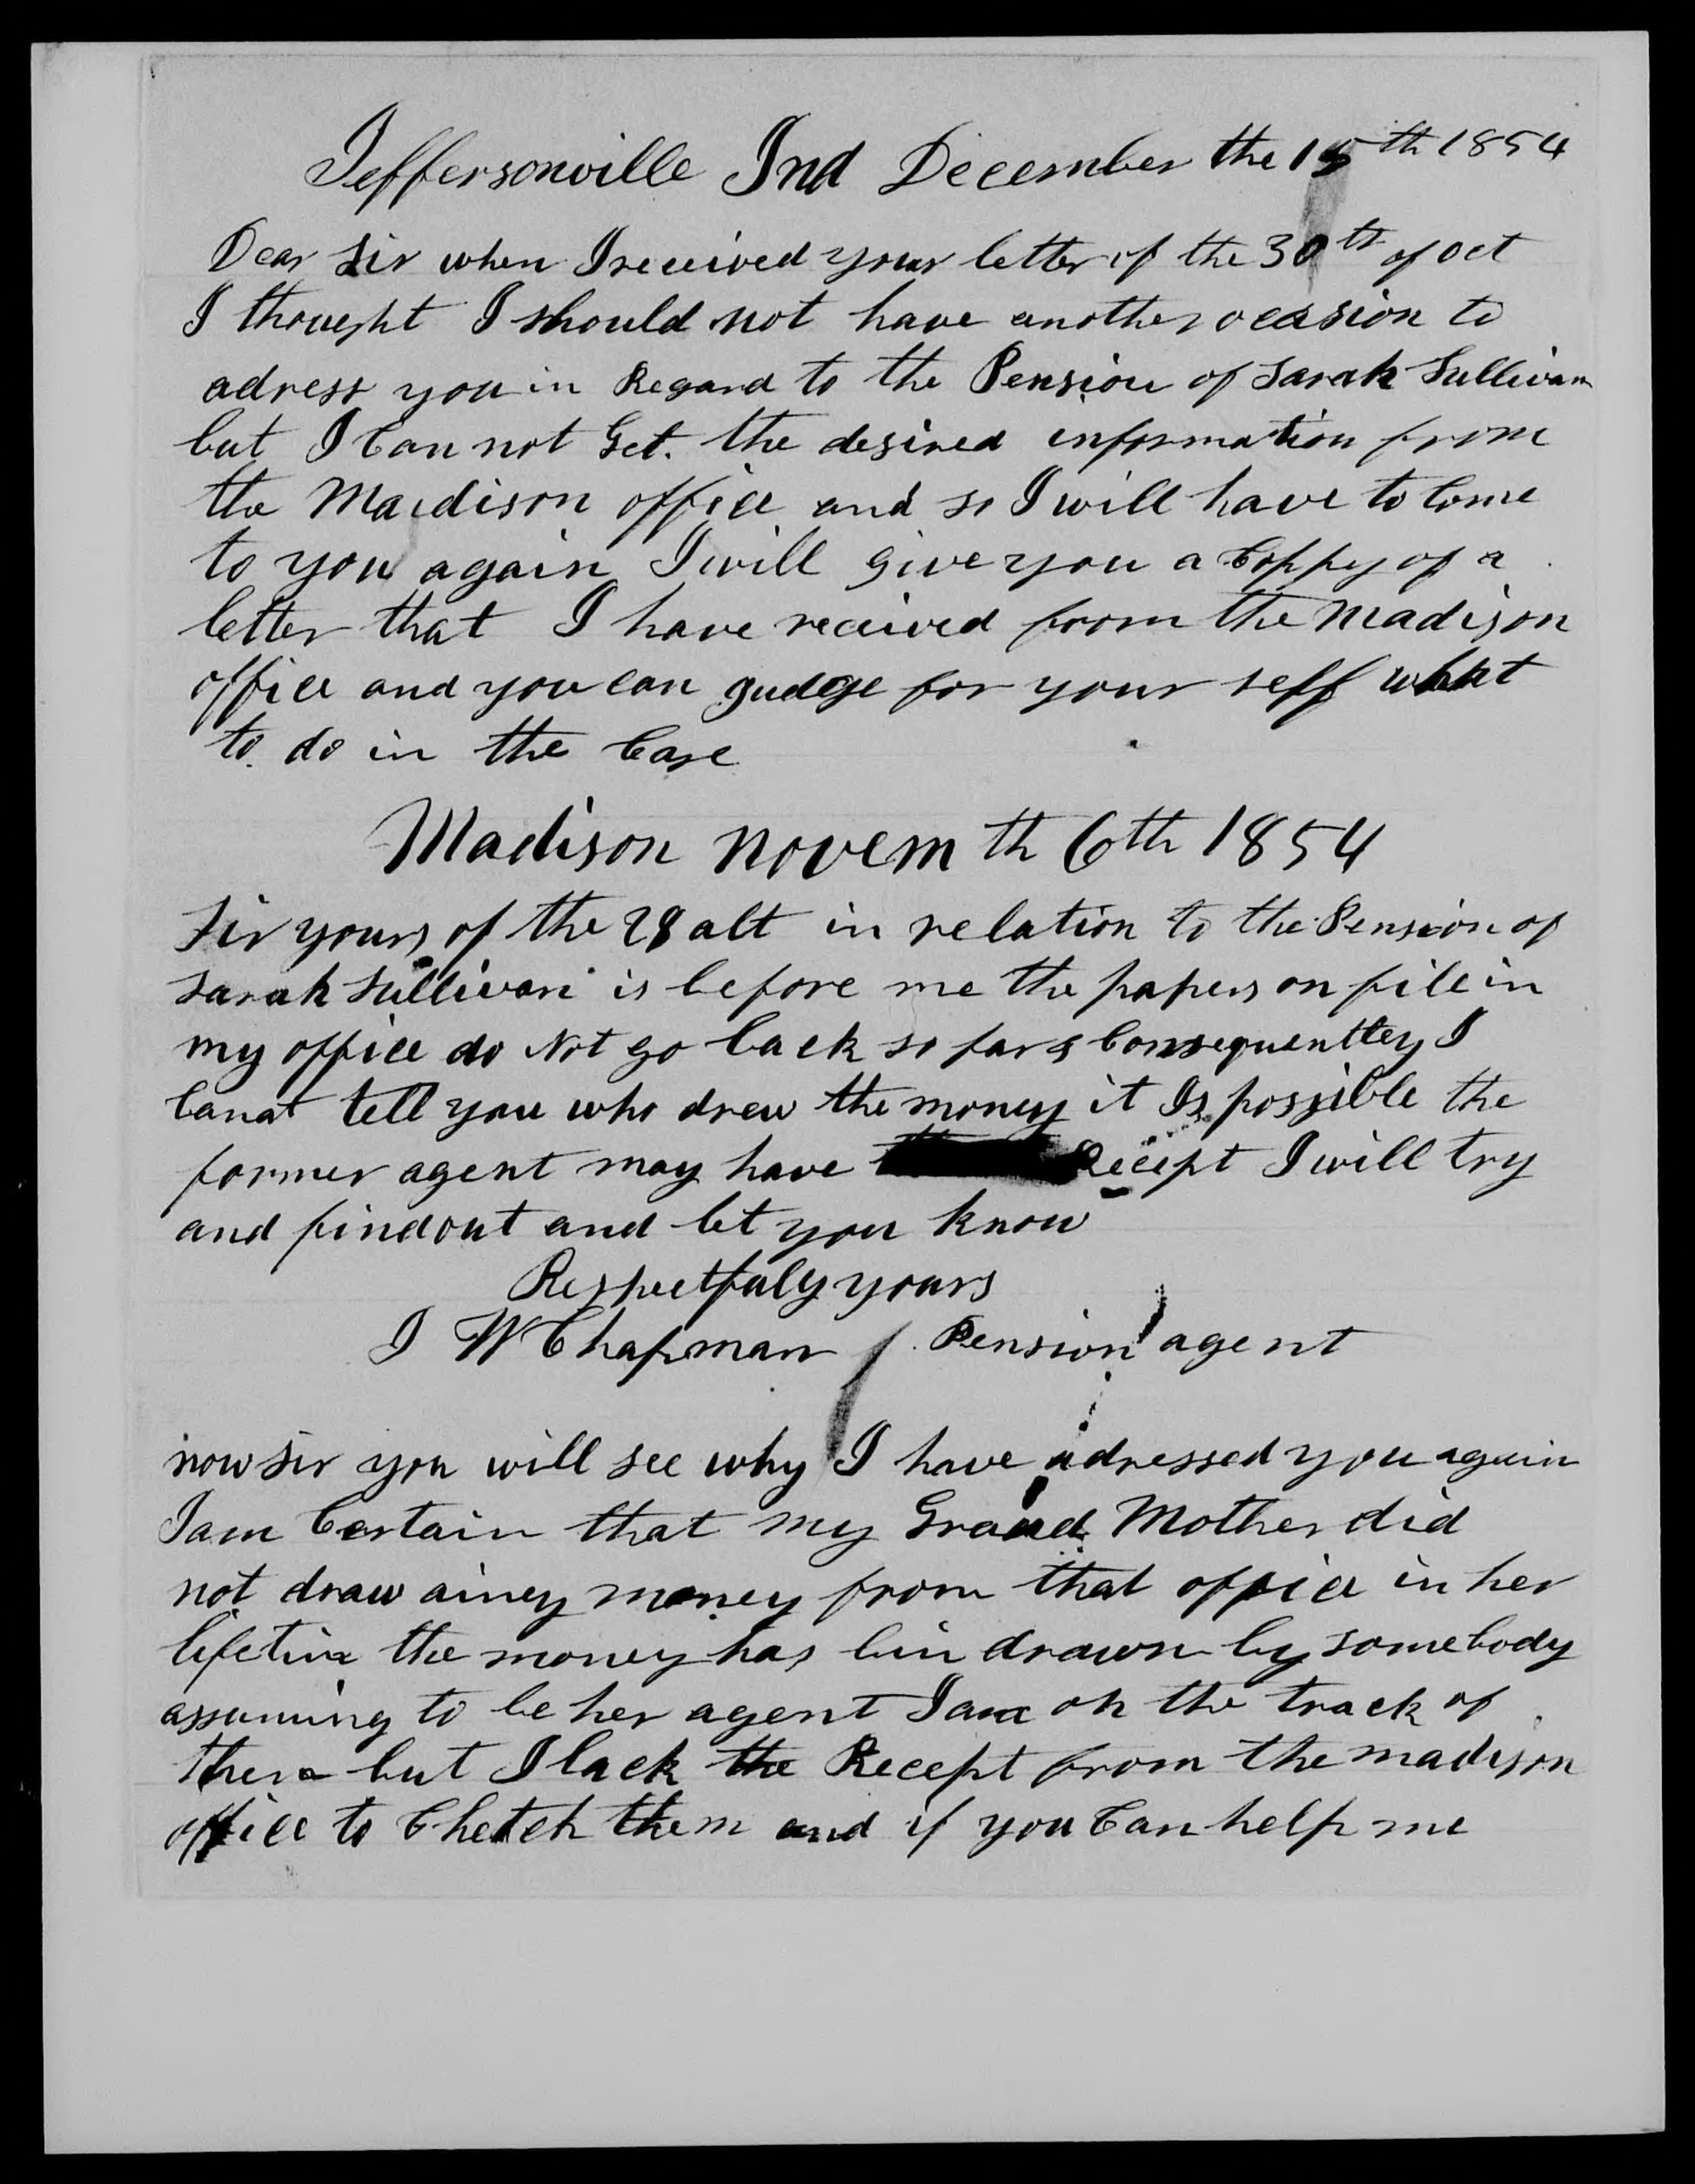Jeffersonville Ind December the 15th 1854

Dear Sir when I received your letter of the 30th of Oct I thought I should not have another reason to adress you in regard to the Pension of Sarah Sullivan but I can not get the desired information from the Madison office and so I will have to come to you again I will give you a coppy of a letter that I have received from the madison office and you can judge for your self what to do in the case

Madison Novem th 6th 1854

Sir yours of the US alt[?] in relation to the Pension of Sarah Sullivan is before me the papers on file in my office do not go back so & consequently I canot tell you who drew the money it is possible the former agent may have the[?] Receipt I will try and find out and let you know

Respectfully yours
J W Chapman
Pension agent

Now sir you will see why I have adressed you again I am Certain that my  Grand Mother did not draw ainey[?] money from that office in her lifetime the money has been drawn by somebody assuming to be her agent [illegible] on the track of there[?]  but I lack the Receipt from the madison office to [illegible] them and if you care help me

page: 49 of 78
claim: widow's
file: W. 25,169, for Daniel Sullivan, Maryland